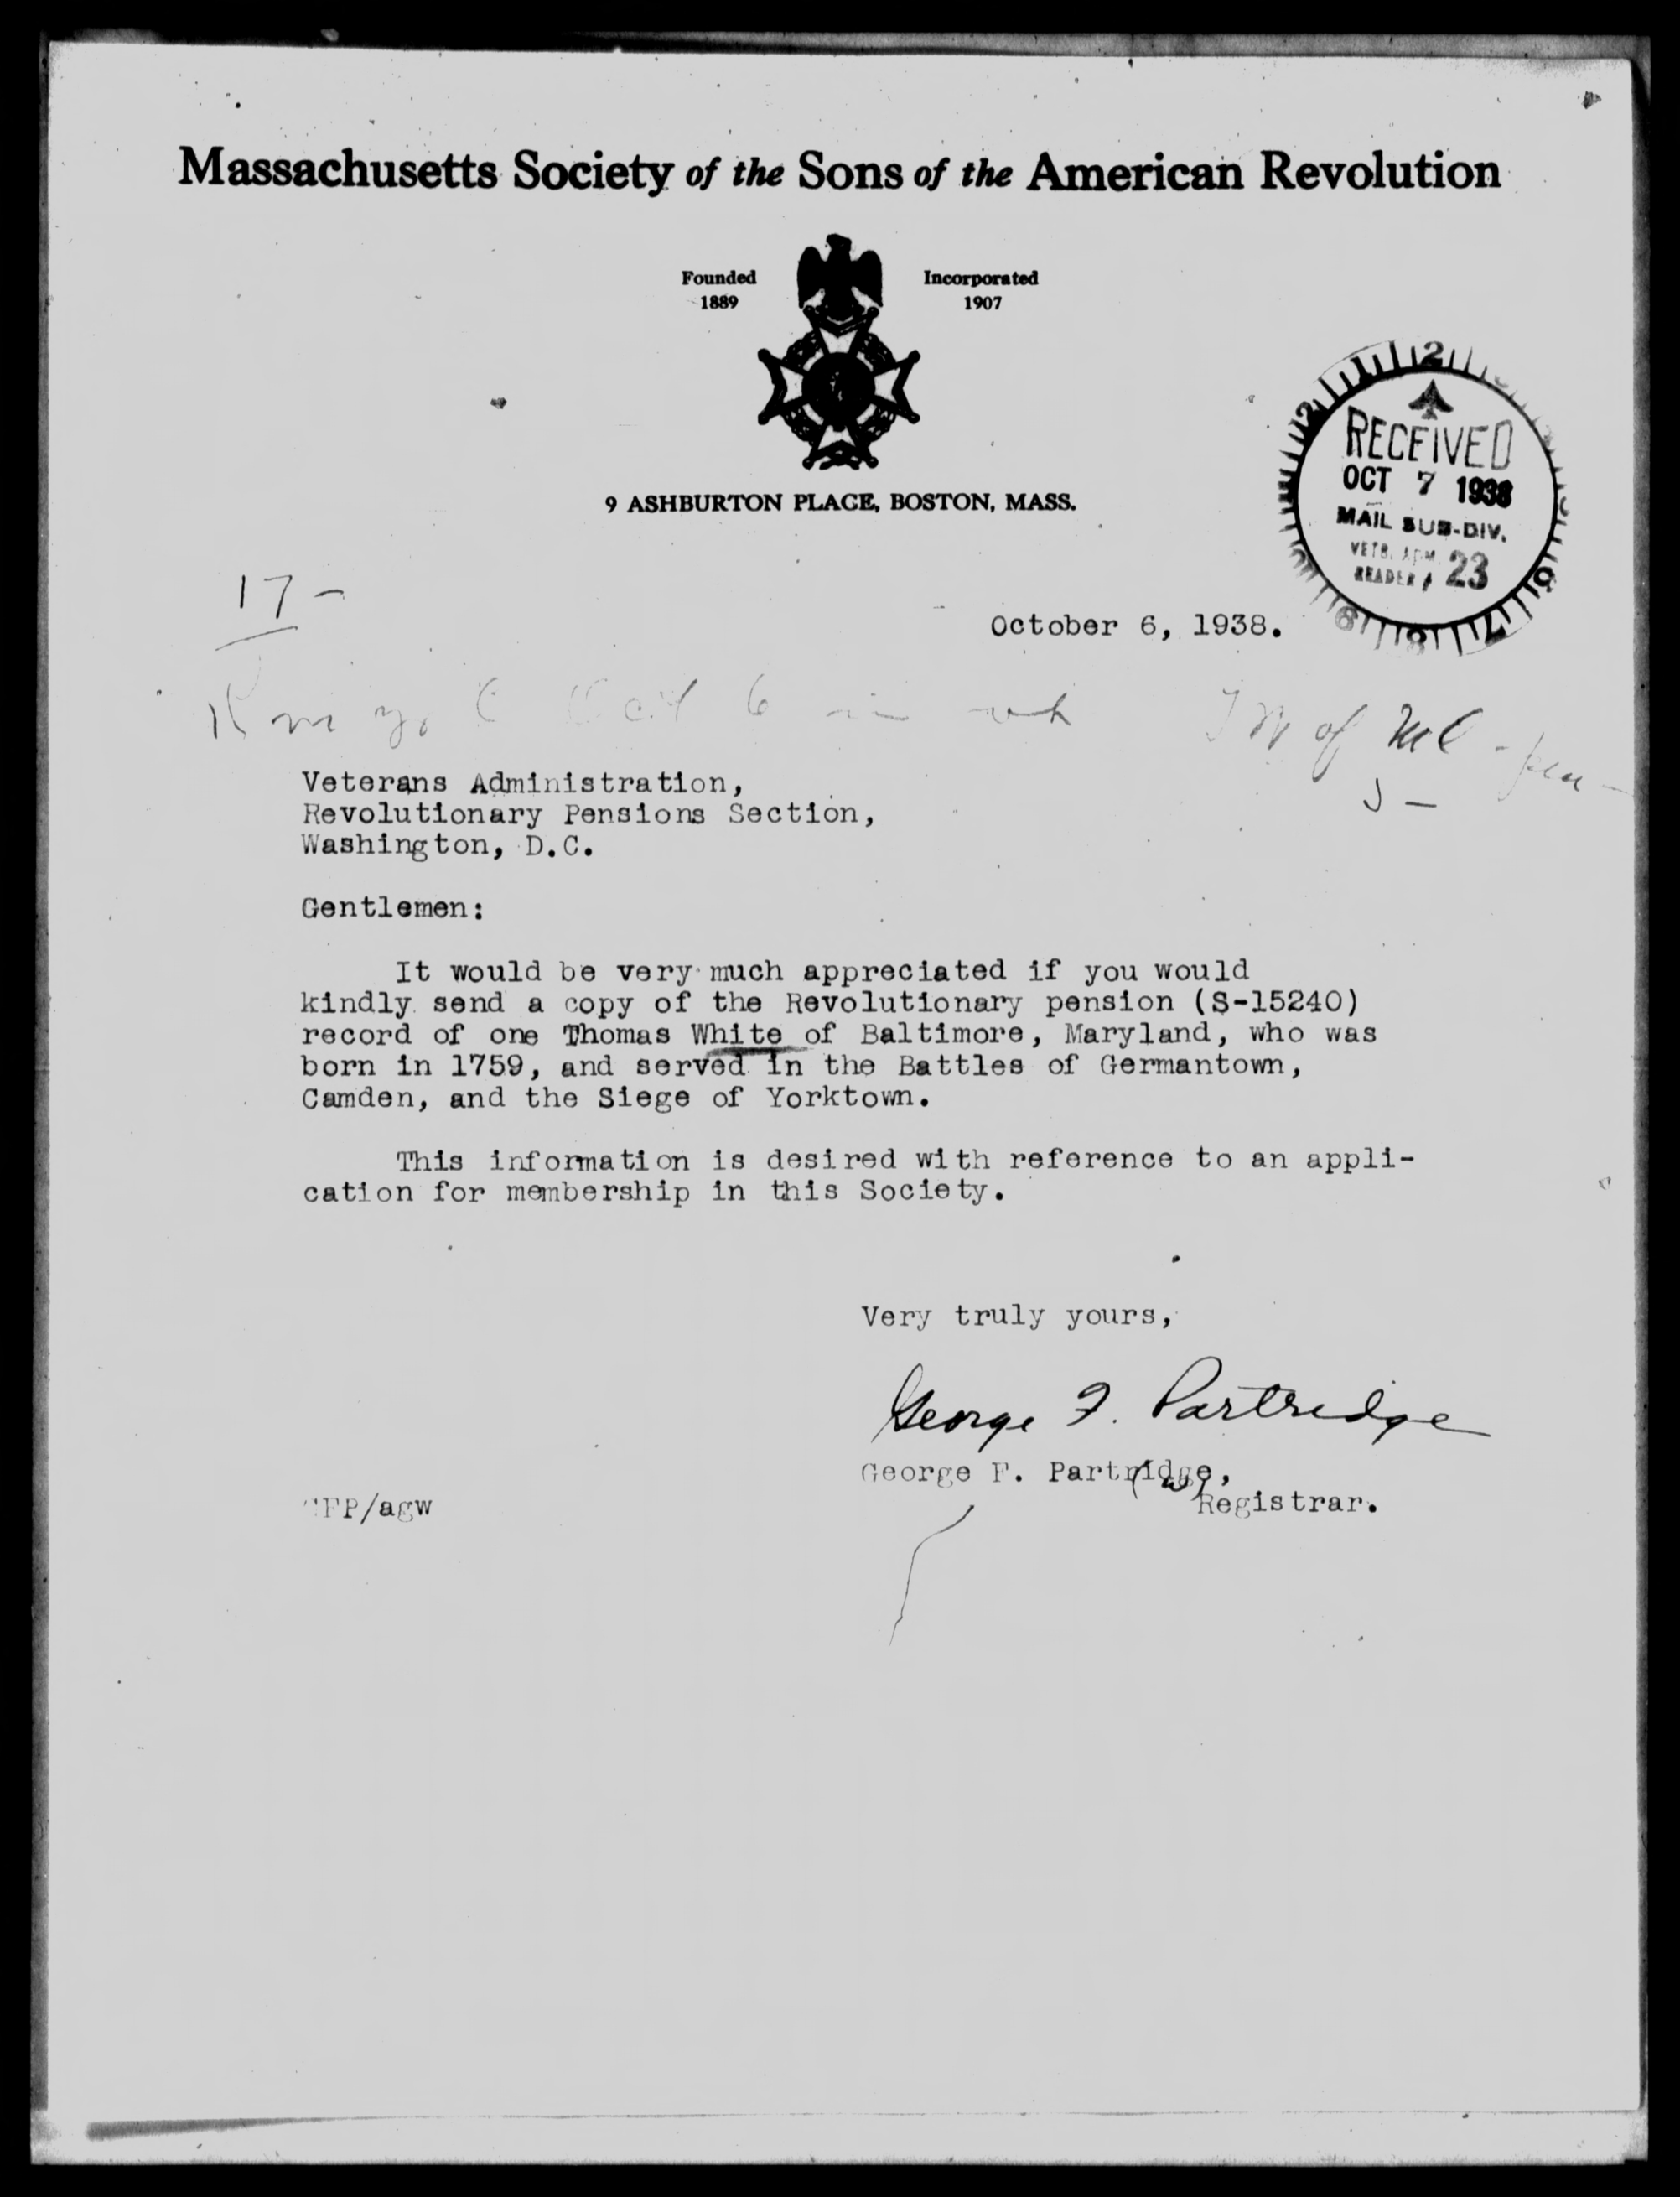Massachusetts Society of the Sons of the American Revolution

Founded [Seal of Massachusetts Society] Incorporated
1809 | 1907

9 ASHBURTON PLACE, BOSTON, MASS.

[Circular time and mail receipt stamp]
Arrow pointing to 2
RECEIVED 
OCT 7 1938
MAIL SUB-DIV.
VETS. ADM.
READER NO. 23

October 6, 1938.

[Note] 17-
[illegible handwriting] TW of Md pen- J

Veterans Administration,
Revolutionary Pensions Section, 
Washington, D.C.

Gentlemen:

It would be very much appreciated if you would 
kindly send a copy of the Revolutionary pension (S-15240) 
record of one Thomas White of Baltimore, Maryland, who was 
born in 1759, and served in the Battles of Germantown, 
Camden, and the Siege of Yorktown.

This information is desired with reference to an appli
cation for membership in this Society.

Very truly yours,

George F. Partridge, 
(w) Registrar.

GFP/agw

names: George F Partridge, Thomas White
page: 31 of 43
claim: survivor's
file: S. 15240, Thomas White, Md.